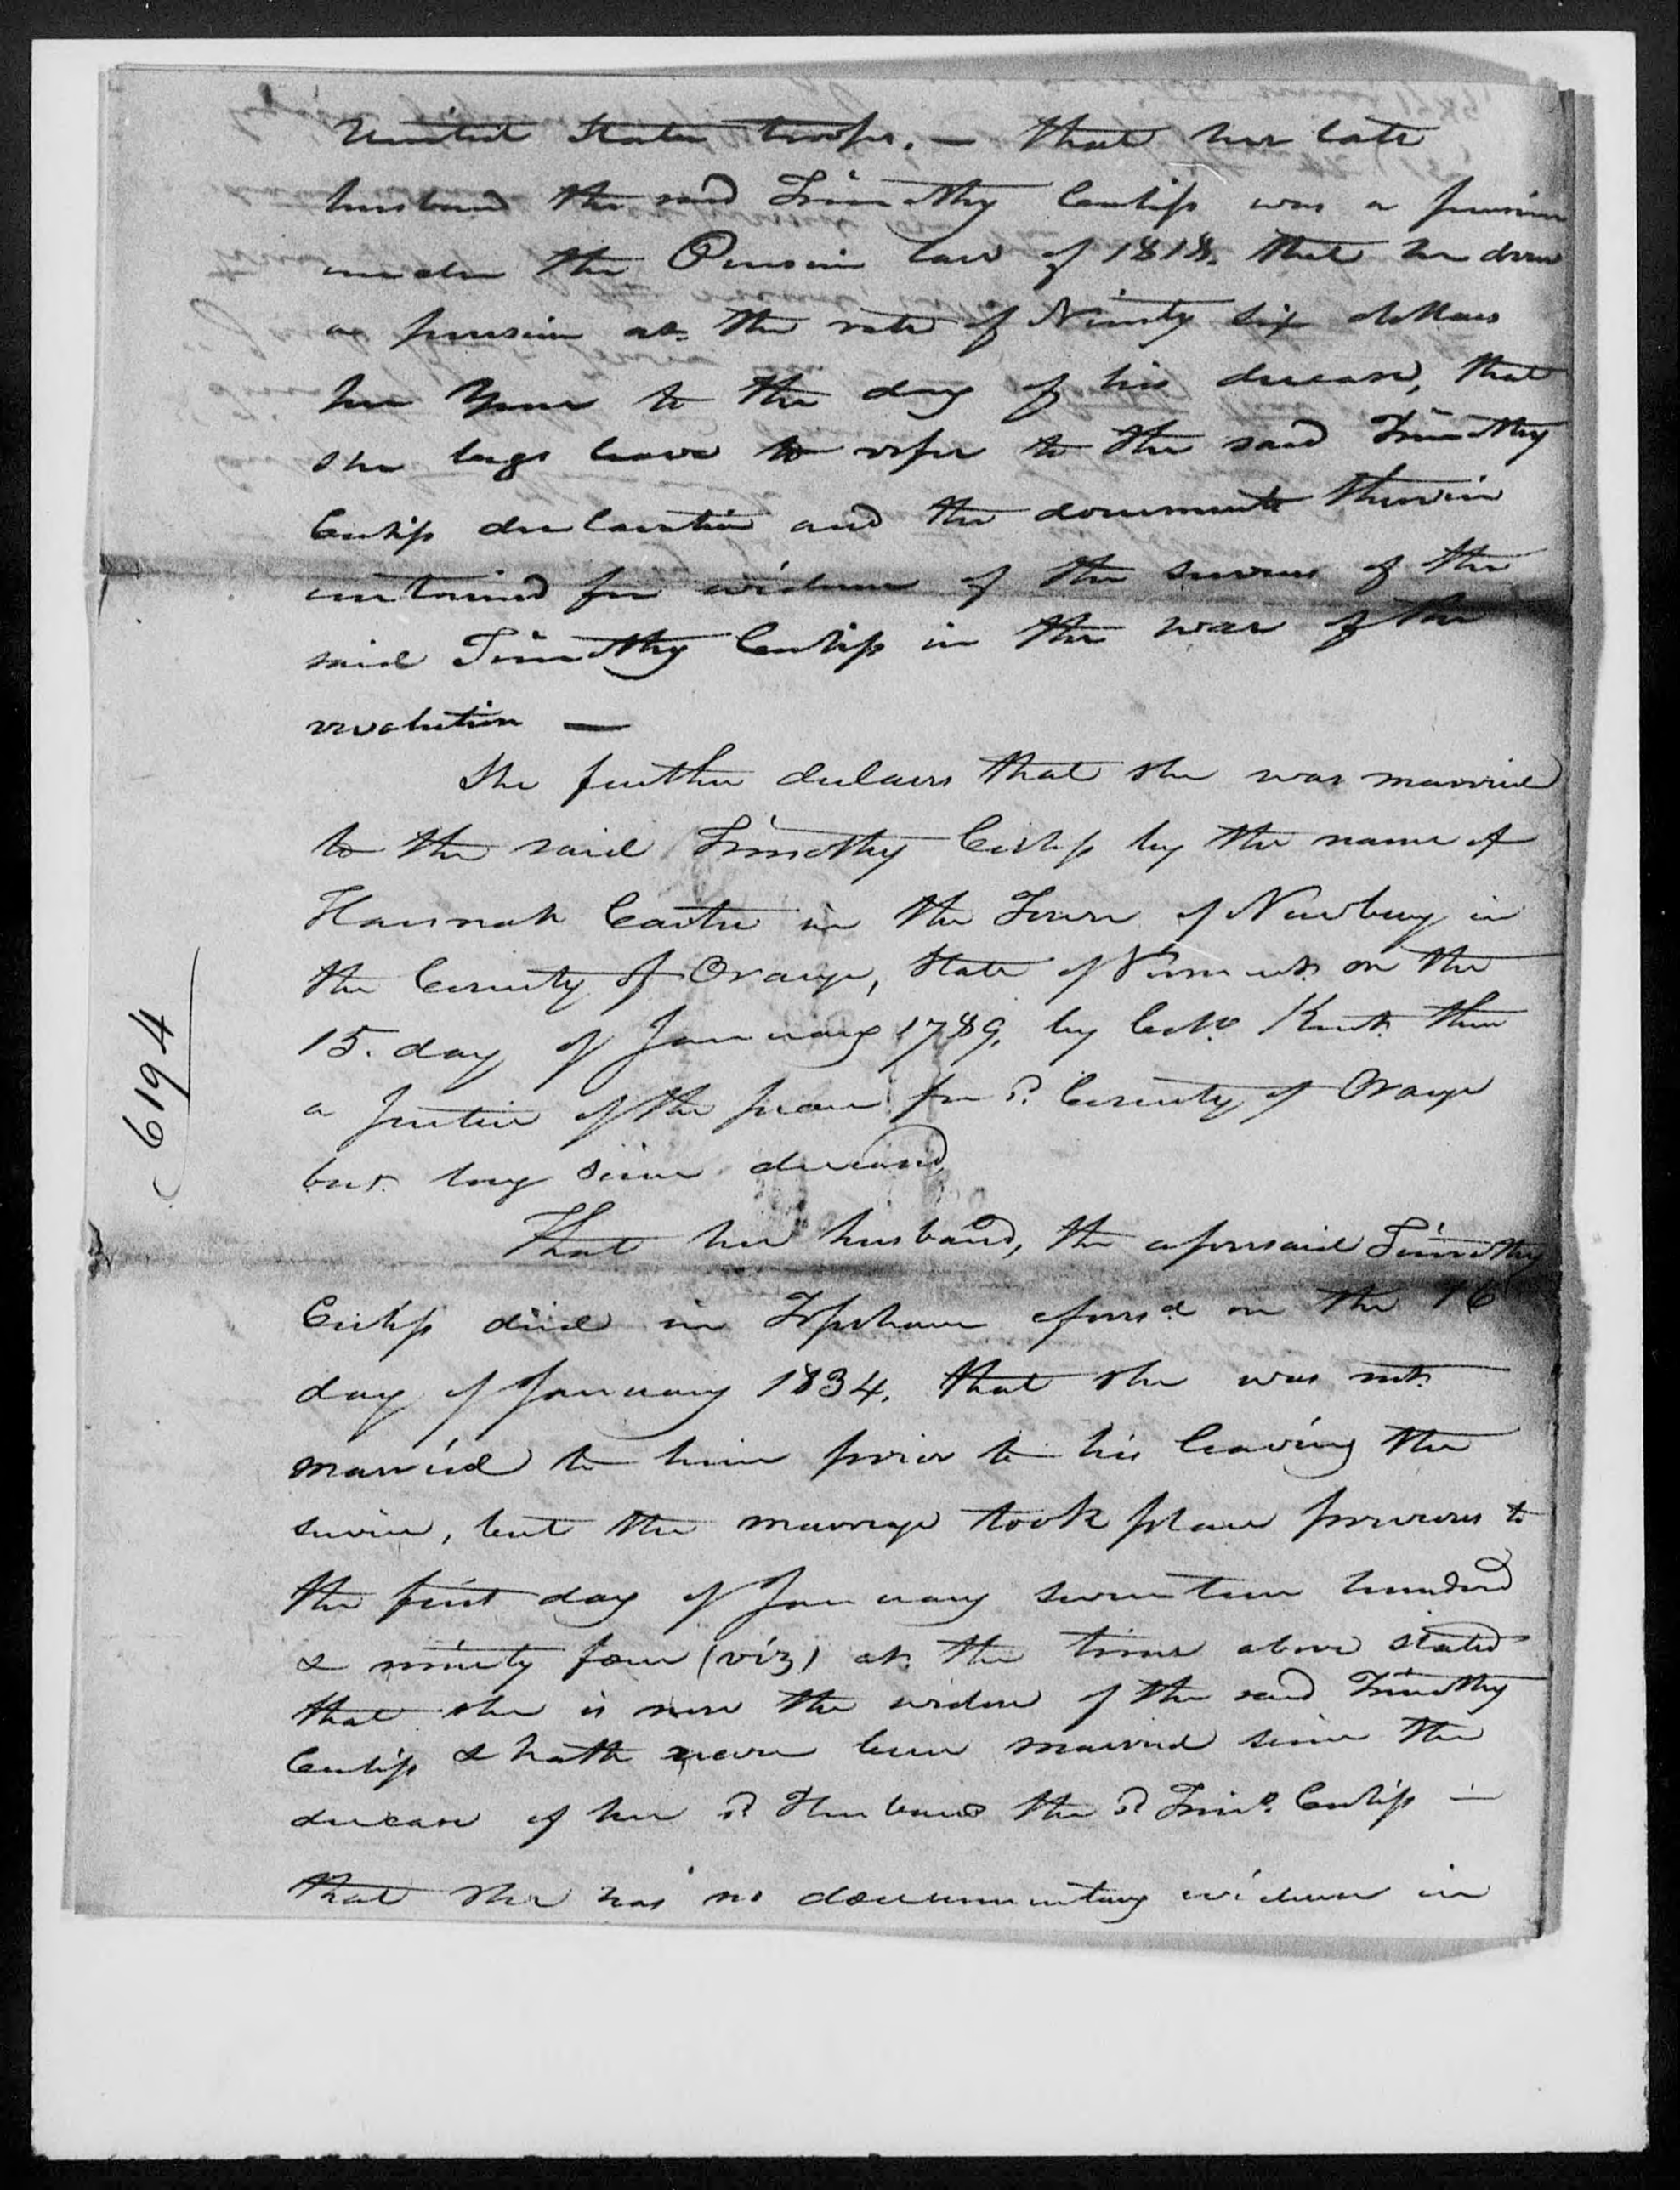United States troops, that her late
husband the said Timothy Corliss was a pensioner under
the Pension law of 1818, that he drew a 
pension at the rate of Ninety six dollars
For years to the day of his decease, that
she begs leave to refer to the said Timothy
Corliss declartion and the documents therein contained
for evidence of the service of the
said Timothy Corliss in the war of
Revolution.
She further declares that she was married
to the said Timothy Corliss by the name of ┃
Hannah Carter in the Town of Newbury in
the County of Orange, State of Vermont on the
15 day of January 1789, by [illegible] Kent then
a Justice of the peace for said County of Orange
but long since deceased.
that her husband the aforesaid Timothy Corliss died in Topsham
Aforesaid on the 16 day of January 1834, that she was not
married to him prior to his leaving the
service, but the marriage took place previous to
the first day of January Seventeen hundred
and ninety four (viz) at the time above stated
that she is now the widow of the said Timothy
Certify and hath never been married since the
decease of her Husband the said Timothy Corliss-
that she has no documentary evidence in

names: Timothy Corliss, Timothy Corliss, Timothy Corliss, Timothy Corliss, Kint, Timothy Corliss, Timothy Corliss, Hannah Carter, Timo Corliss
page: 9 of 34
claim: widow's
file: W. 20,896, Timothy Corless, Continental Mass